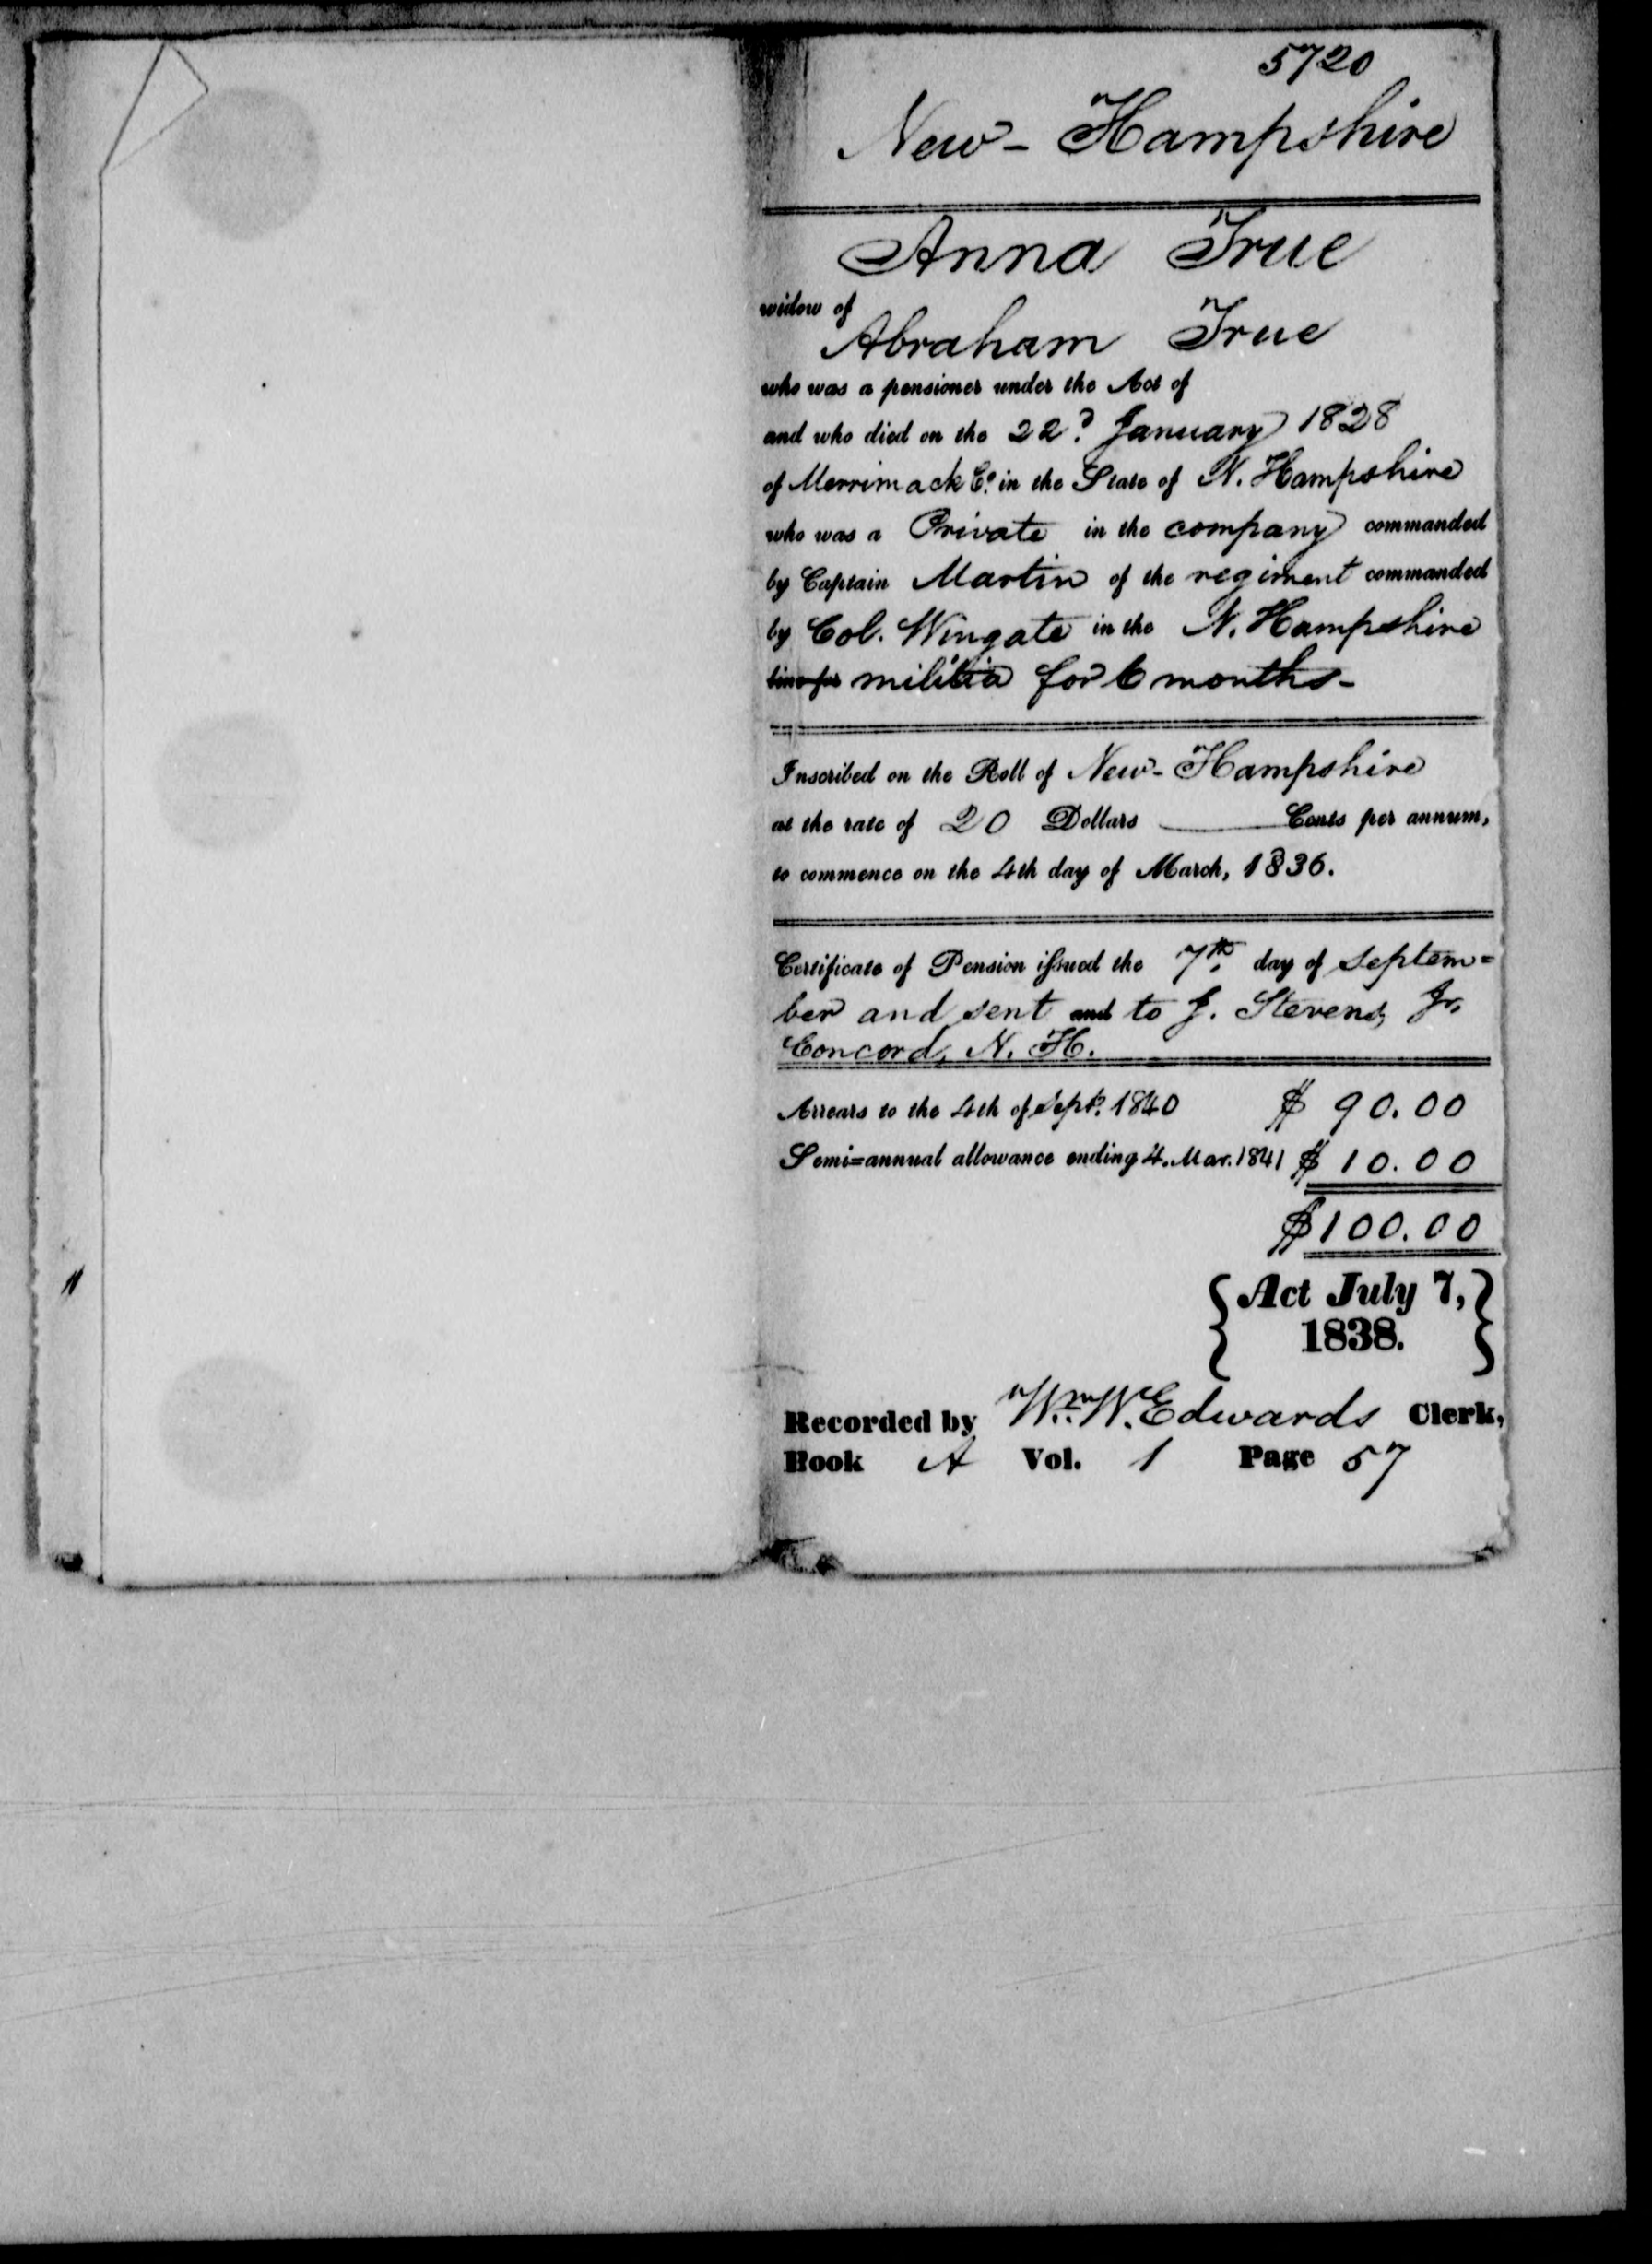5720
New Hampshire

Anna True
Widow of Abraham True
who was a Pensioner under the Act of and who died in the 22 ? January 1828
of Merrimack Co in the 
State of New Hampshire who was a Private in the company commanded by Captain Martin of the regiment commanded by Col. Wingate in the N Hampshire militia for 6 months.

Inscribed on the Roll of New Hampshire at the rate of 20 Dolars ___ cents per annum to commence on the 4th day of March 1836.

Certificate of Pension is owed the 7th day of September and sent to J. Stevens Jr., Concord NH
Arrears to the 4th of Sept. 1840 $90.00
Semi-annual allowance ending 4 Mar. 1841 $10.00
Act July 7 1838

Recorded by W W Edwards Clerk,
Book A Vol 1 Page 57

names: Martin, Wm W Edwards, Wingate, Anna True, J Stevens, Abraham True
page: 13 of 24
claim: widow's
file: W. 16,451, Abraham True, N.H.